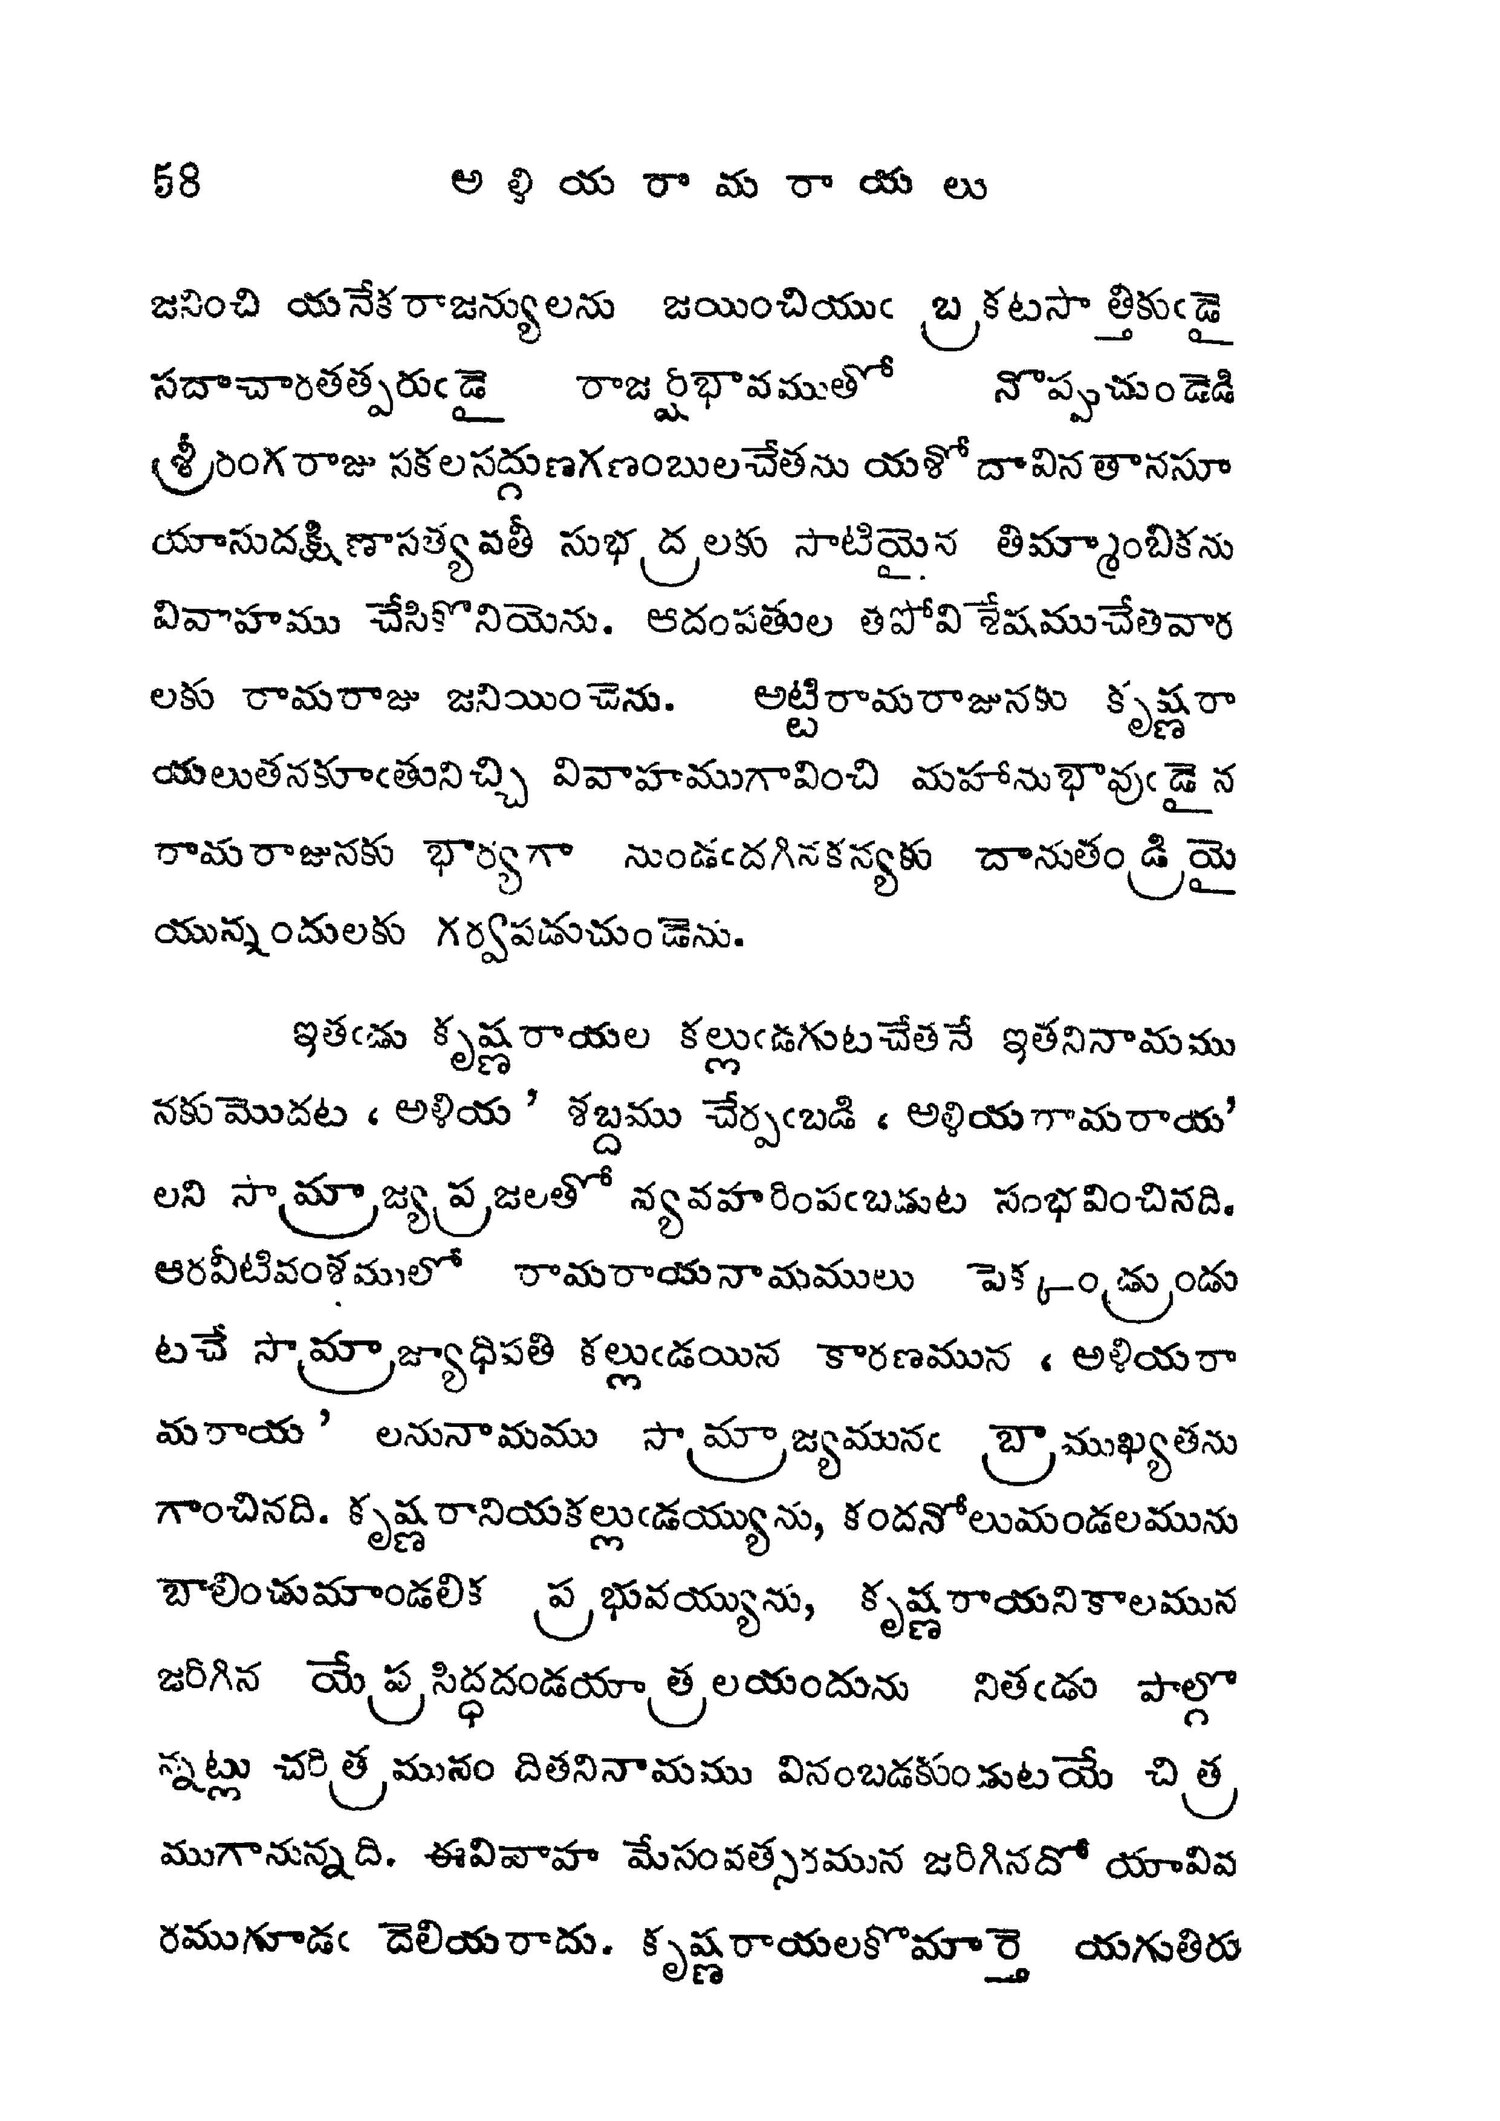జనించి యనేకరాజన్యులను జయించియు బ్రకటసాత్తికుడై సదాచారతత్పరుడై రాజర్షిభావముతో నొప్పుచుండెడి శ్రీరంగరాజు సకలసద్గుణగణంబులచేతను యశోదావినతానసూయాసుదక్షిణాసత్యవతీ సుభద్రలకు సాటియైన తిమ్మాంబికను వివాహము చేసికొనియెను. ఆదంపతుల తపోవిశేషముచేత వారలకు రామరాజు జనియించెను. అట్టిరామరాజునకు కృష్ణరాయలు తనకూతునిచ్చి వివాహముగావించి మహానుభావుడైన రామరాజునకు భార్యగా నుండదగినకన్యకు దానుతండ్రియై యున్నందులకు గర్వపడుచుండెను.

ఇతడు కృష్ణరాయల కల్లుడగుటచేతనే ఇతనినామమునకు మొదట 'అళియ' శబ్దము చేర్పబడి 'అళియరామరాయ' లని సామ్రాజ్యప్రజలతో వ్యవహరింపబడుట సంభవించినది. ఆరవీటివంశములో రామరాయనామములు పెక్కండ్రుండుటచే సామ్రాజ్యాధిపతి కల్లుడయిన కారణమున 'అళియరామరాయ' లనునామము సామ్రాజ్యమున బ్రాముఖ్యతను గాంచినది. కృష్ణరాయనికల్లుడయ్యును, కందనోలుమండలమును బాలించుమాండలిక ప్రభువయ్యును, కృష్ణరాయనికాలమున జరిగిన యేప్రసిద్ధదండయాత్రలయందును నితడు పాల్గొన్నట్లు చరిత్రమునం దితనినామము వినంబడకుండుటయే చిత్రముగానున్నది. ఈవివాహ మేసంవత్సరమున జరిగినదో యావివరముగూడ దెలియరాదు. కృష్ణరాయలకొమర్తె యగుతిరు